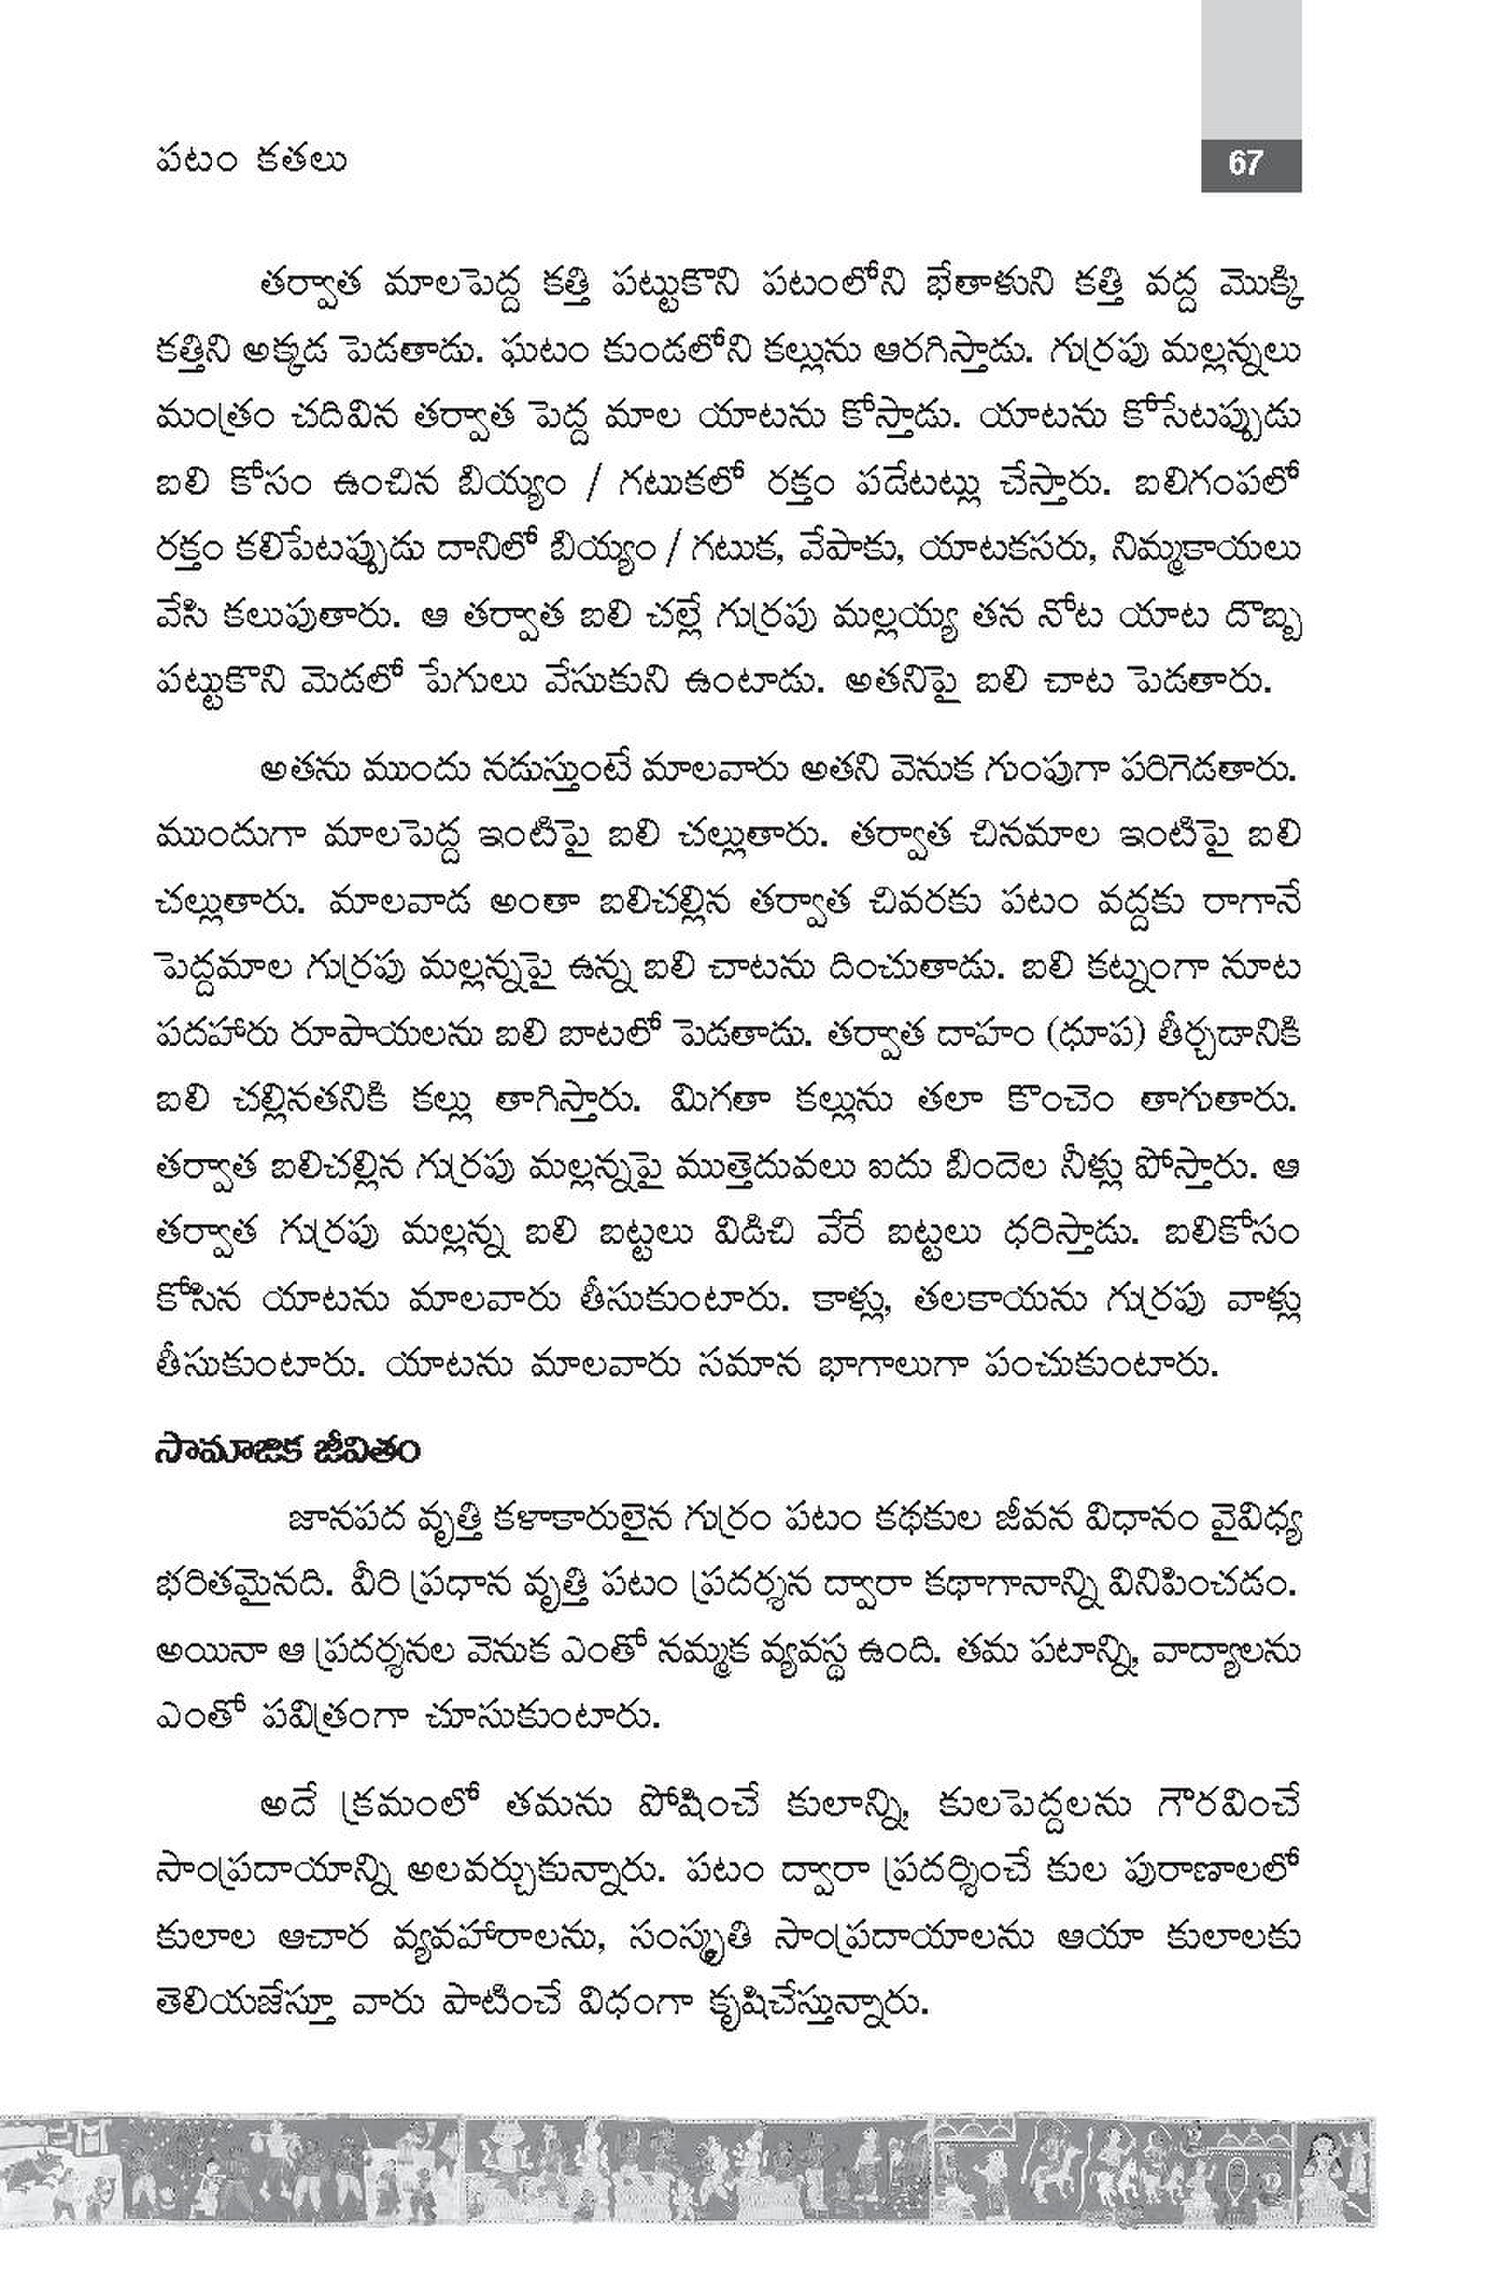తర్వాత మాలపెద్ద కత్తి పట్టుకొని పటంలోని భేతాళుని కత్తి వద్ద మొక్కి కత్తిని అక్కడ పెడతాడు. ఘటం కుండలోని కల్లును ఆరగిస్తాడు. గుర్రపు మల్లన్నలు మంత్రం చదివిన తర్వాత పెద్ద మాల యాటను కోస్తాడు. యాటను కోసేటప్పుడు
ఐలి కోసం ఉంచిన బియ్యం / గటుకలో రక్తం పడేటట్లు చేస్తారు. ఐలిగంపలో రక్తం కలిపేటప్పుడు దానిలో బియ్యం / గటుక, వేపాకు, యాటకసరు, నిమ్మకాయలు వేసి కలుపుతారు. ఆ తర్వాత బలి చల్లే గుర్రపు మల్లయ్య తన నోట యాట దొబ్బ పట్టుకొని మెడలో పేగులు వేసుకుని ఉంటాడు. అతనిపై బలి చాట పెడతారు.

అతను ముందు నడుస్తుంటే మాలవారు అతని వెనుక గుంపుగా పరిగెడతారు. ముందుగా మాలపెద్ద ఇంటిపై బలి చల్లుతారు. తర్వాత చినమాల ఇంటిపై బలి చల్లుతారు. మాలవాడ అంతా బలిచల్లిన తర్వాత చివరకు పటం వద్దకు రాగానే పెద్ద గురుపు మల్లన్నపై ఉన్న ఐలి చాటను దించుతాడు. బలి కట్నంగా నూట పదహారు రూపాయలను బలి బాటలో పెడతాడు. తర్వాత దాహం (ధూప) తీర్చడానికి బలి చల్లినతనికి కల్లు తాగిస్తారు. మిగతా కల్లును తలా కొంచెం తాగుతారు. తర్వాత బలిచల్లిన గుర్రపు మల్లన్నపై ముత్తెదువలు ఐదు బిందెల నీళ్లు పోస్తారు. ఆ తర్వాత గుర్రపు మల్లన్న బలి బట్టలు విడిచి వేరే బట్టలు ధరిస్తాడు. బలికోసం కోసిన యాటను మాలవారు తీసుకుంటారు. కాళ్లు, తలకాయను గుర్రపు వాళ్లు తీసుకుంటారు. యాటను మాలవారు సమాన భాగాలుగా పంచుకుంటారు.

సామాజిక జీవితం 

జానపద వృత్తి కళాకారులైన గుర్రం పటం కథకుల జీవన విధానం వైవిధ్య భరితమైనది. వీరి ప్రధాన వృత్తి పటం ప్రదర్శన ద్వారా కథాగానాన్ని వినిపించడం. అయినా ఆ ప్రదర్శనల వెనుక ఎంతో నమ్మక వ్యవస్థ ఉంది. తమ పటాన్ని, వాద్యాలను ఎంతో పవిత్రంగా చూసుకుంటారు.

అదే క్రమంలో తమను పోషించే కులాన్ని కులపెద్దలను గౌరవించే సాంప్రదాయాన్ని అలవర్చుకున్నారు. పటం ద్వారా ప్రదర్శించే కుల పురాణాలలో కులాల ఆచార వ్యవహారాలను, సంస్కృతి సాంప్రదాయాలను ఆయా కులాలకు
తెలియజేస్తూ వారు పాటించే విధంగా కృషిచేస్తున్నారు.